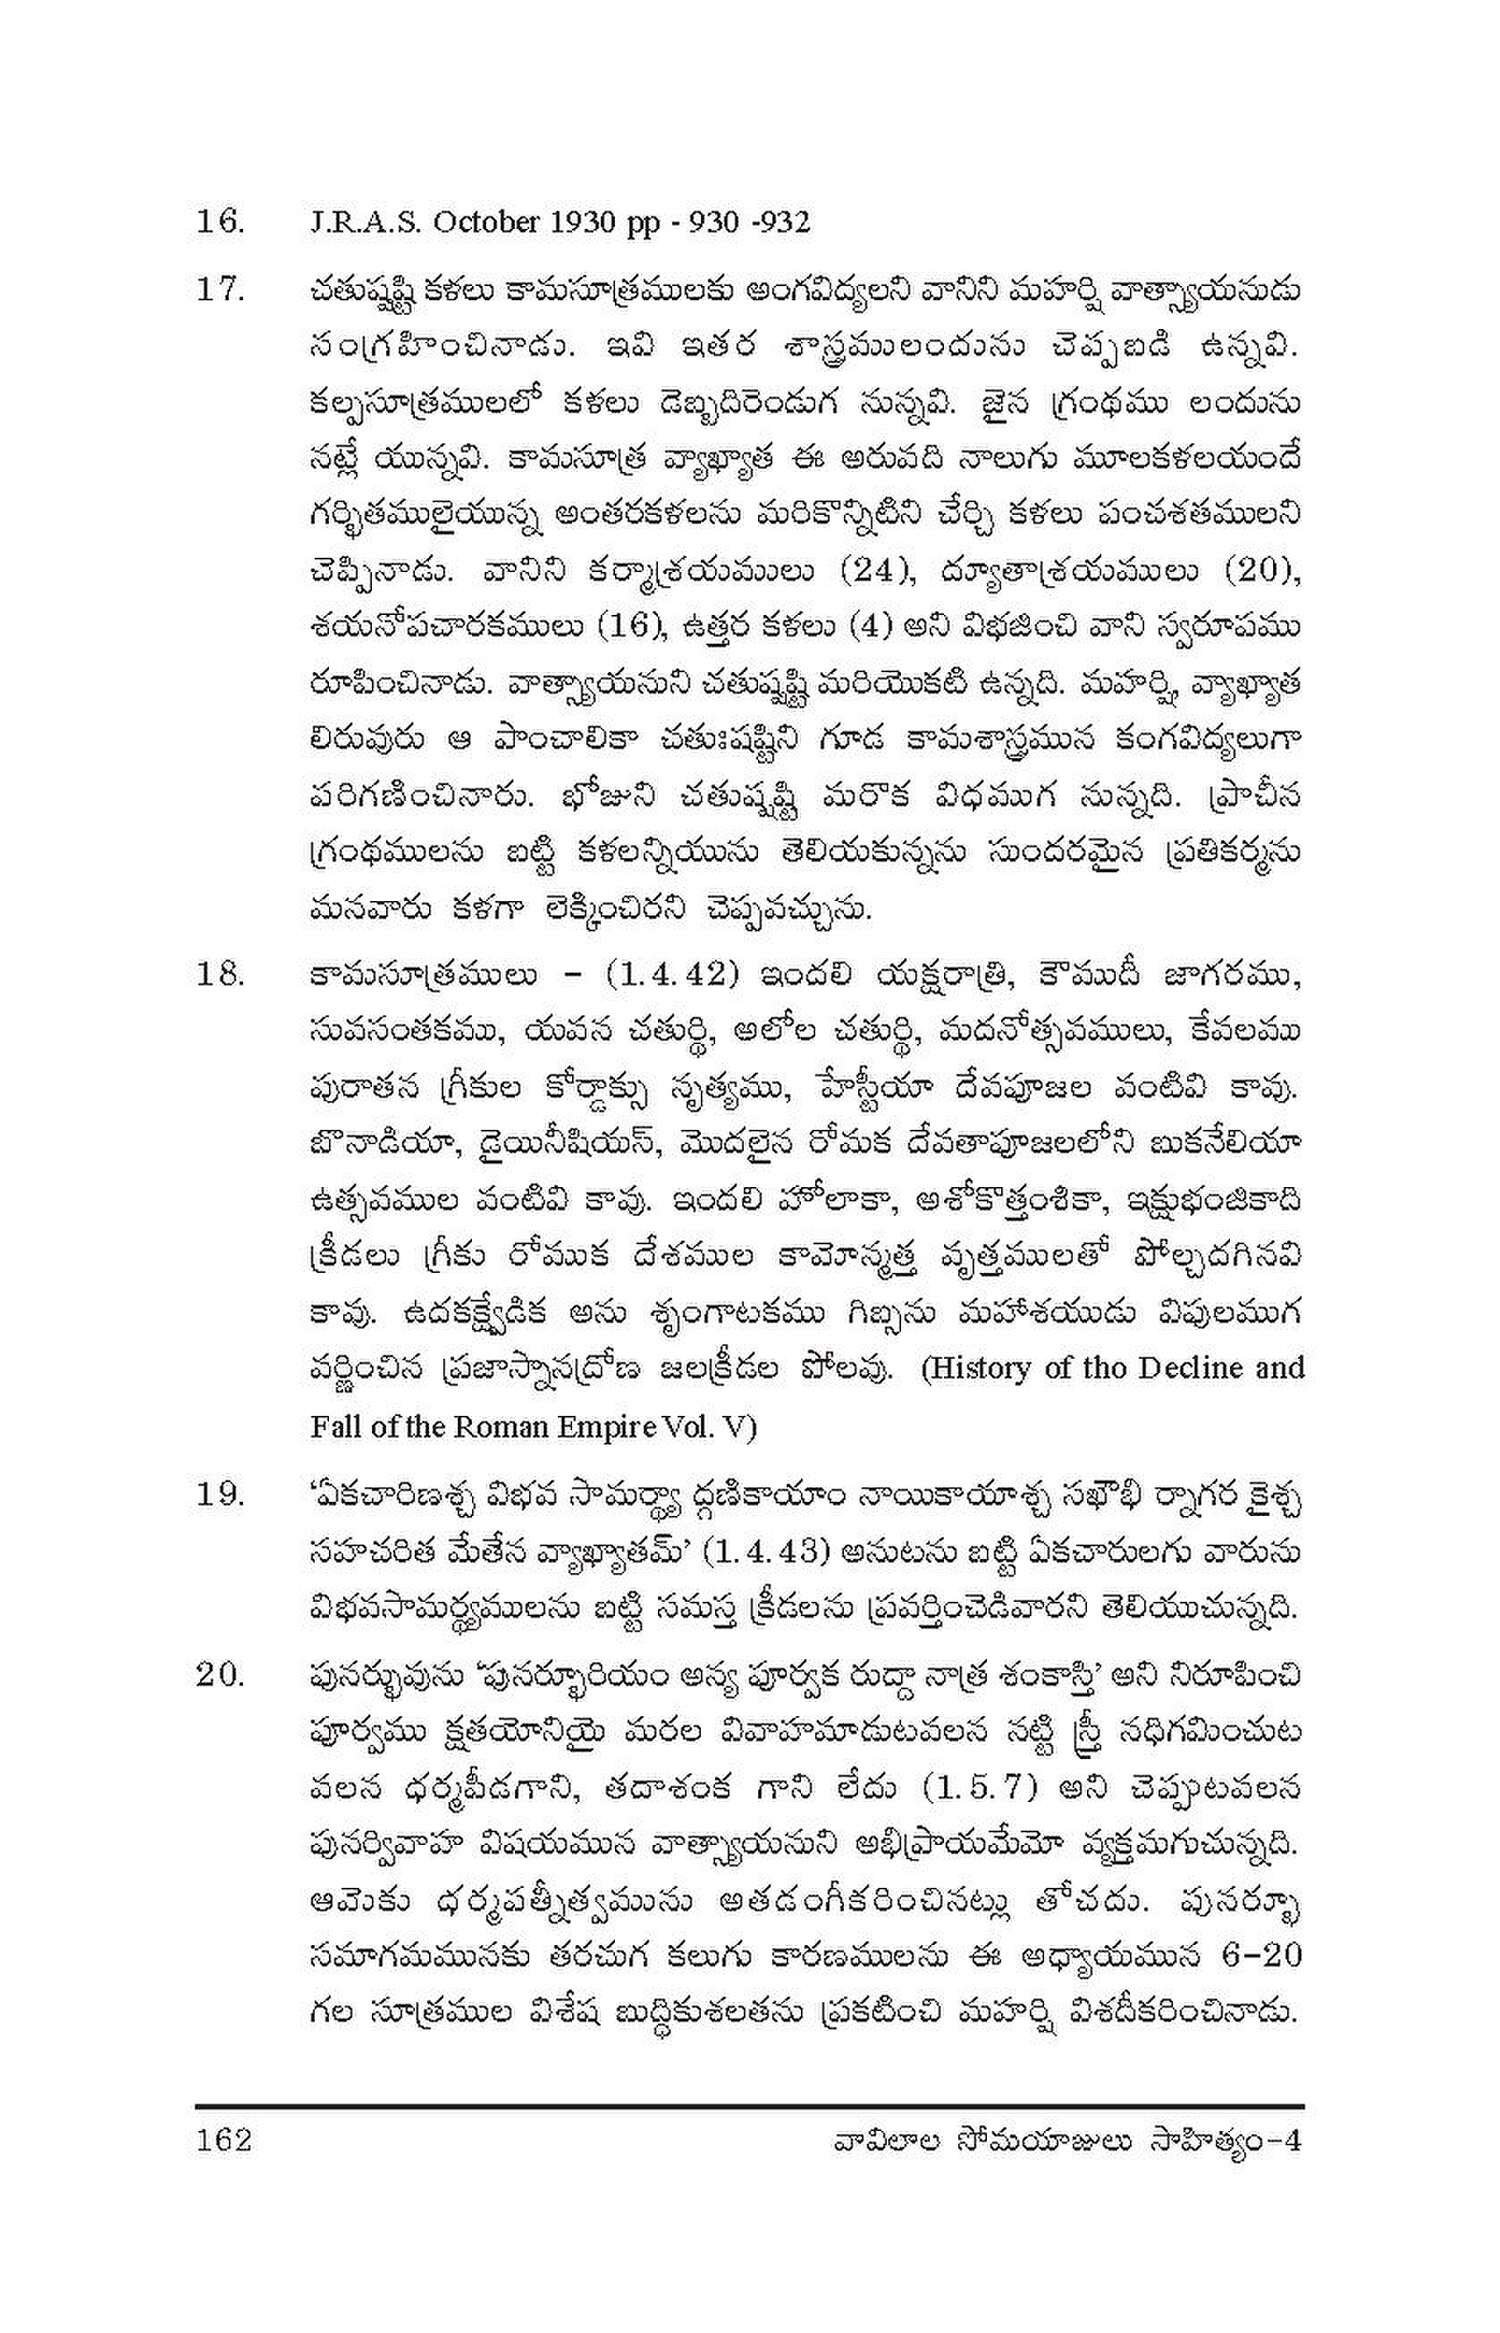16. J.R.A.S. October 1930 pp - 930 -932

17. చతుష్షష్టి కళలు కామసూత్రములకు అంగవిద్యలని వానిని మహర్షి వాత్స్యాయనుడు
సంగ్రహించినాడు. ఇవి ఇతర శాస్త్రములందును చెప్పబడి ఉన్నవి.
కల్పసూత్రములలో కళలు డెబ్బదిరెండుగ నున్నవి. జైన గ్రంథము లందును
నట్లే యున్నవి. కామసూత్ర వ్యాఖ్యాత ఈ అరువది నాలుగు మూలకళలయందే
గర్భితములైయున్న అంతరకళలను మరికొన్నిటిని చేర్చి కళలు పంచశతములని
చెప్పినాడు. వానిని కర్మాశ్రయములు (24), ద్యూతాశ్రయములు (20),
శయనోపచారకములు (16), ఉత్తర కళలు (4) అని విభజించి వాని స్వరూపము
రూపించినాడు. వాత్స్యాయనుని చతుష్షష్టి మరియొకటి ఉన్నది. మహర్షి, వ్యాఖ్యాత
లిరువురు ఆ పాంచాలికా చతుఃషష్టిని గూడ కామశాస్త్రమున కంగవిద్యలుగా
పరిగణించినారు. భోజుని చతుష్షష్టి మరొక విధముగ నున్నది. ప్రాచీన
గ్రంథములను బట్టి కళలన్నియును తెలియకున్నను సుందరమైన ప్రతికర్మను
మనవారు కళగా లెక్కించిరని చెప్పవచ్చును.

18. కామసూత్రములు - (1.4.42) ఇందలి యక్షరాత్రి, కౌముదీ జాగరము,
సువసంతకము, యవన చతుర్థి, అలోల చతుర్థి, మదనోత్సవములు, కేవలము
పురాతన గ్రీకుల కోర్డాక్సు నృత్యము, హేస్టీయా దేవపూజల వంటివి కావు.
బొనాడియా, డైయినీషియస్, మొదలైన రోమక దేవతాపూజలలోని బుకనేలియా
ఉత్సవముల వంటివి కావు. ఇందలి హోలాకా, అశోకొత్తంశికా, ఇక్షుభంజికాది
క్రీడలు గ్రీకు రోముక దేశముల కామోన్మత్త వృత్తములతో పోల్చదగినవి
కావు. ఉదకక్ష్వేడిక అను శృంగాటకము గిబ్బను మహాశయుడు విపులముగ
వర్ణించిన ప్రజాస్నానద్రోణ జలక్రీడల పోలవు. (History of tho Decline and
Fall of the Roman Empire Vol. V)

19. 'ఏకచారిణశ్చ విభవ సామర్థ్యా ద్గణికాయాం నాయికాయాశ్చ సఖౌభి ర్నాగర కైశ్చ
సహచరిత మేతేన వ్యాఖ్యాతమ్' (1.4.43) అనుటను బట్టి ఏకచారులగు వారును
విభవసామర్థ్యములను బట్టి సమస్త క్రీడలను ప్రవర్తించెడివారని తెలియుచున్నది.

20. పునర్భువును 'పునర్బూరియం అన్య పూర్వక రుద్దా నాత్ర శంకాస్తి' అని నిరూపించి
పూర్వము క్షతయోనియై మరల వివాహమాడుటవలన నట్టి స్త్రీ నధిగమించుట
వలన ధర్మపీడగాని, తదాశంక గాని లేదు (1.5.7) అని చెప్పుటవలన
పునర్వివాహ విషయమున వాత్స్యాయనుని అభిప్రాయమేమో వ్యక్తమగుచున్నది.
ఆమెకు ధర్మపత్నీత్వమును అతడంగీకరించినట్లు తోచదు. పునర్భూ
సమాగమమునకు తరచుగ కలుగు కారణములను ఈ అధ్యాయమున 6-20
గల సూత్రముల విశేష బుద్ధికుశలతను ప్రకటించి మహర్షి విశదీకరించినాడు.